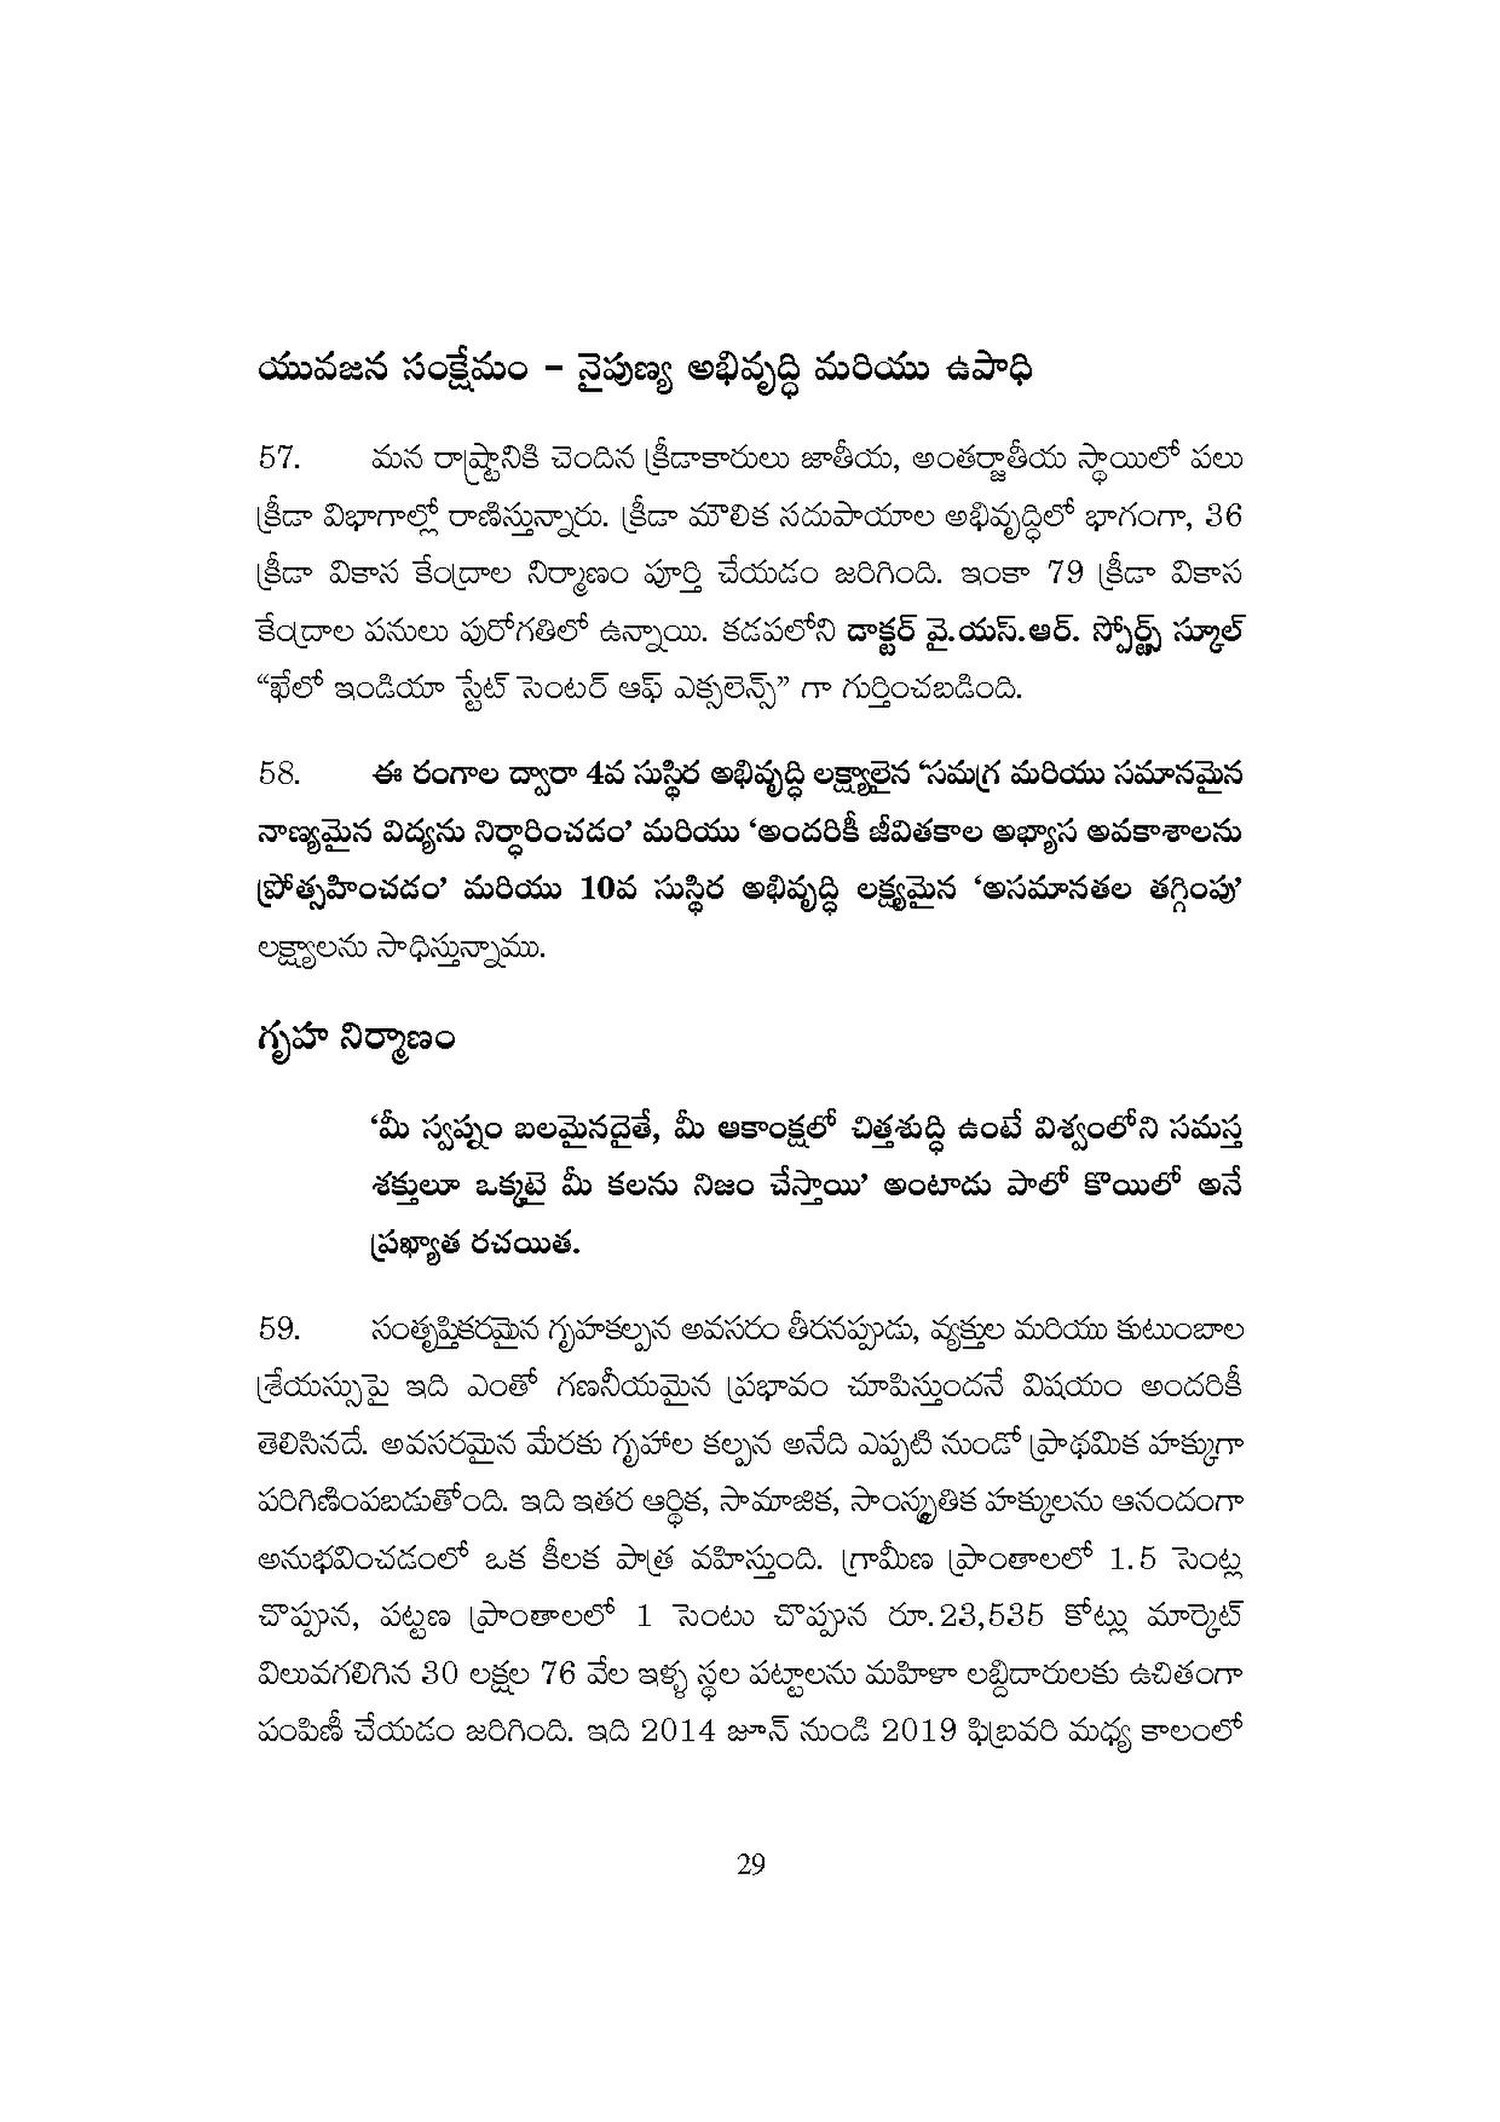యువజన సంక్షేమం - నైపుణ్య అభివృద్ధి మరియు ఉపాధి

57. మన రాష్ట్రానికి చెందిన క్రీడాకారులు జాతీయ, అంతర్జాతీయ స్థాయిలో పలు
క్రీడా విభాగాల్లో రాణిస్తున్నారు. క్రీడా మౌలిక సదుపాయాల అభివృద్ధిలో భాగంగా, 36
క్రీడా వికాస కేంద్రాల నిర్మాణం పూర్తి చేయడం జరిగింది. ఇంకా 79 క్రీడా వికాస
కేంద్రాల పనులు పురోగతిలో ఉన్నాయి. కడపలోని డాక్టర్ వై.యస్.ఆర్. స్పోర్ట్స్ స్కూల్
“ఖేలో ఇండియా స్టేట్ సెంటర్ ఆఫ్ ఎక్సలెన్స్” గా గుర్తించబడింది.

58. ఈ రంగాల ద్వారా 4వ సుస్థిర అభివృద్ధి లక్ష్యాలైన 'సమగ్ర మరియు సమానమైన నాణ్యమైన విద్యను నిర్ధారించడం' మరియు 'అందరికీ జీవితకాల అభ్యాస అవకాశాలను ప్రోత్సహించడం' మరియు 10వ సుస్థిర అభివృద్ధి లక్ష్యమైన 'అసమానతల తగ్గింపు'
లక్ష్యాలను సాధిస్తున్నాము.

గృహ నిర్మాణం

'మీ స్వప్నం బలమైనదైతే, మీ ఆకాంక్షలో చిత్తశుద్ధి ఉంటే విశ్వంలోని సమస్త
శక్తులూ ఒక్కటై మీ కలను నిజం చేస్తాయి' అంటాడు పాలో కొయిలో అనే
ప్రఖ్యాత రచయిత. 

59. సంతృప్తికరమైన గృహకల్పన అవసరం తీరనప్పుడు, వ్యక్తుల మరియు కుటుంబాల
శ్రేయస్సుపై ఇది ఎంతో గణనీయమైన ప్రభావం చూపిస్తుందనే విషయం అందరికీ
తెలిసినదే. అవసరమైన మేరకు గృహాల కల్పన అనేది ఎప్పటి నుండో ప్రాథమిక హక్కుగా
పరిగణింపబడుతోంది. ఇది ఇతర ఆర్థిక, సామాజిక, సాంస్కృతిక హక్కులను ఆనందంగా
అనుభవించడంలో ఒక కీలక పాత్ర వహిస్తుంది. గ్రామీణ ప్రాంతాలలో 1.5 సెంట్ల
చొప్పున, పట్టణ ప్రాంతాలలో 1 సెంటు చొప్పున రూ. 23,535 కోట్లు మార్కెట్
విలువగలిగిన 30 లక్షల 76 వేల ఇళ్ళ స్థల పట్టాలను మహిళా లబ్దిదారులకు ఉచితంగా
పంపిణీ చేయడం జరిగింది. ఇది 2014 జూన్ నుండి 2019 ఫిబ్రవరి మధ్య కాలంలో